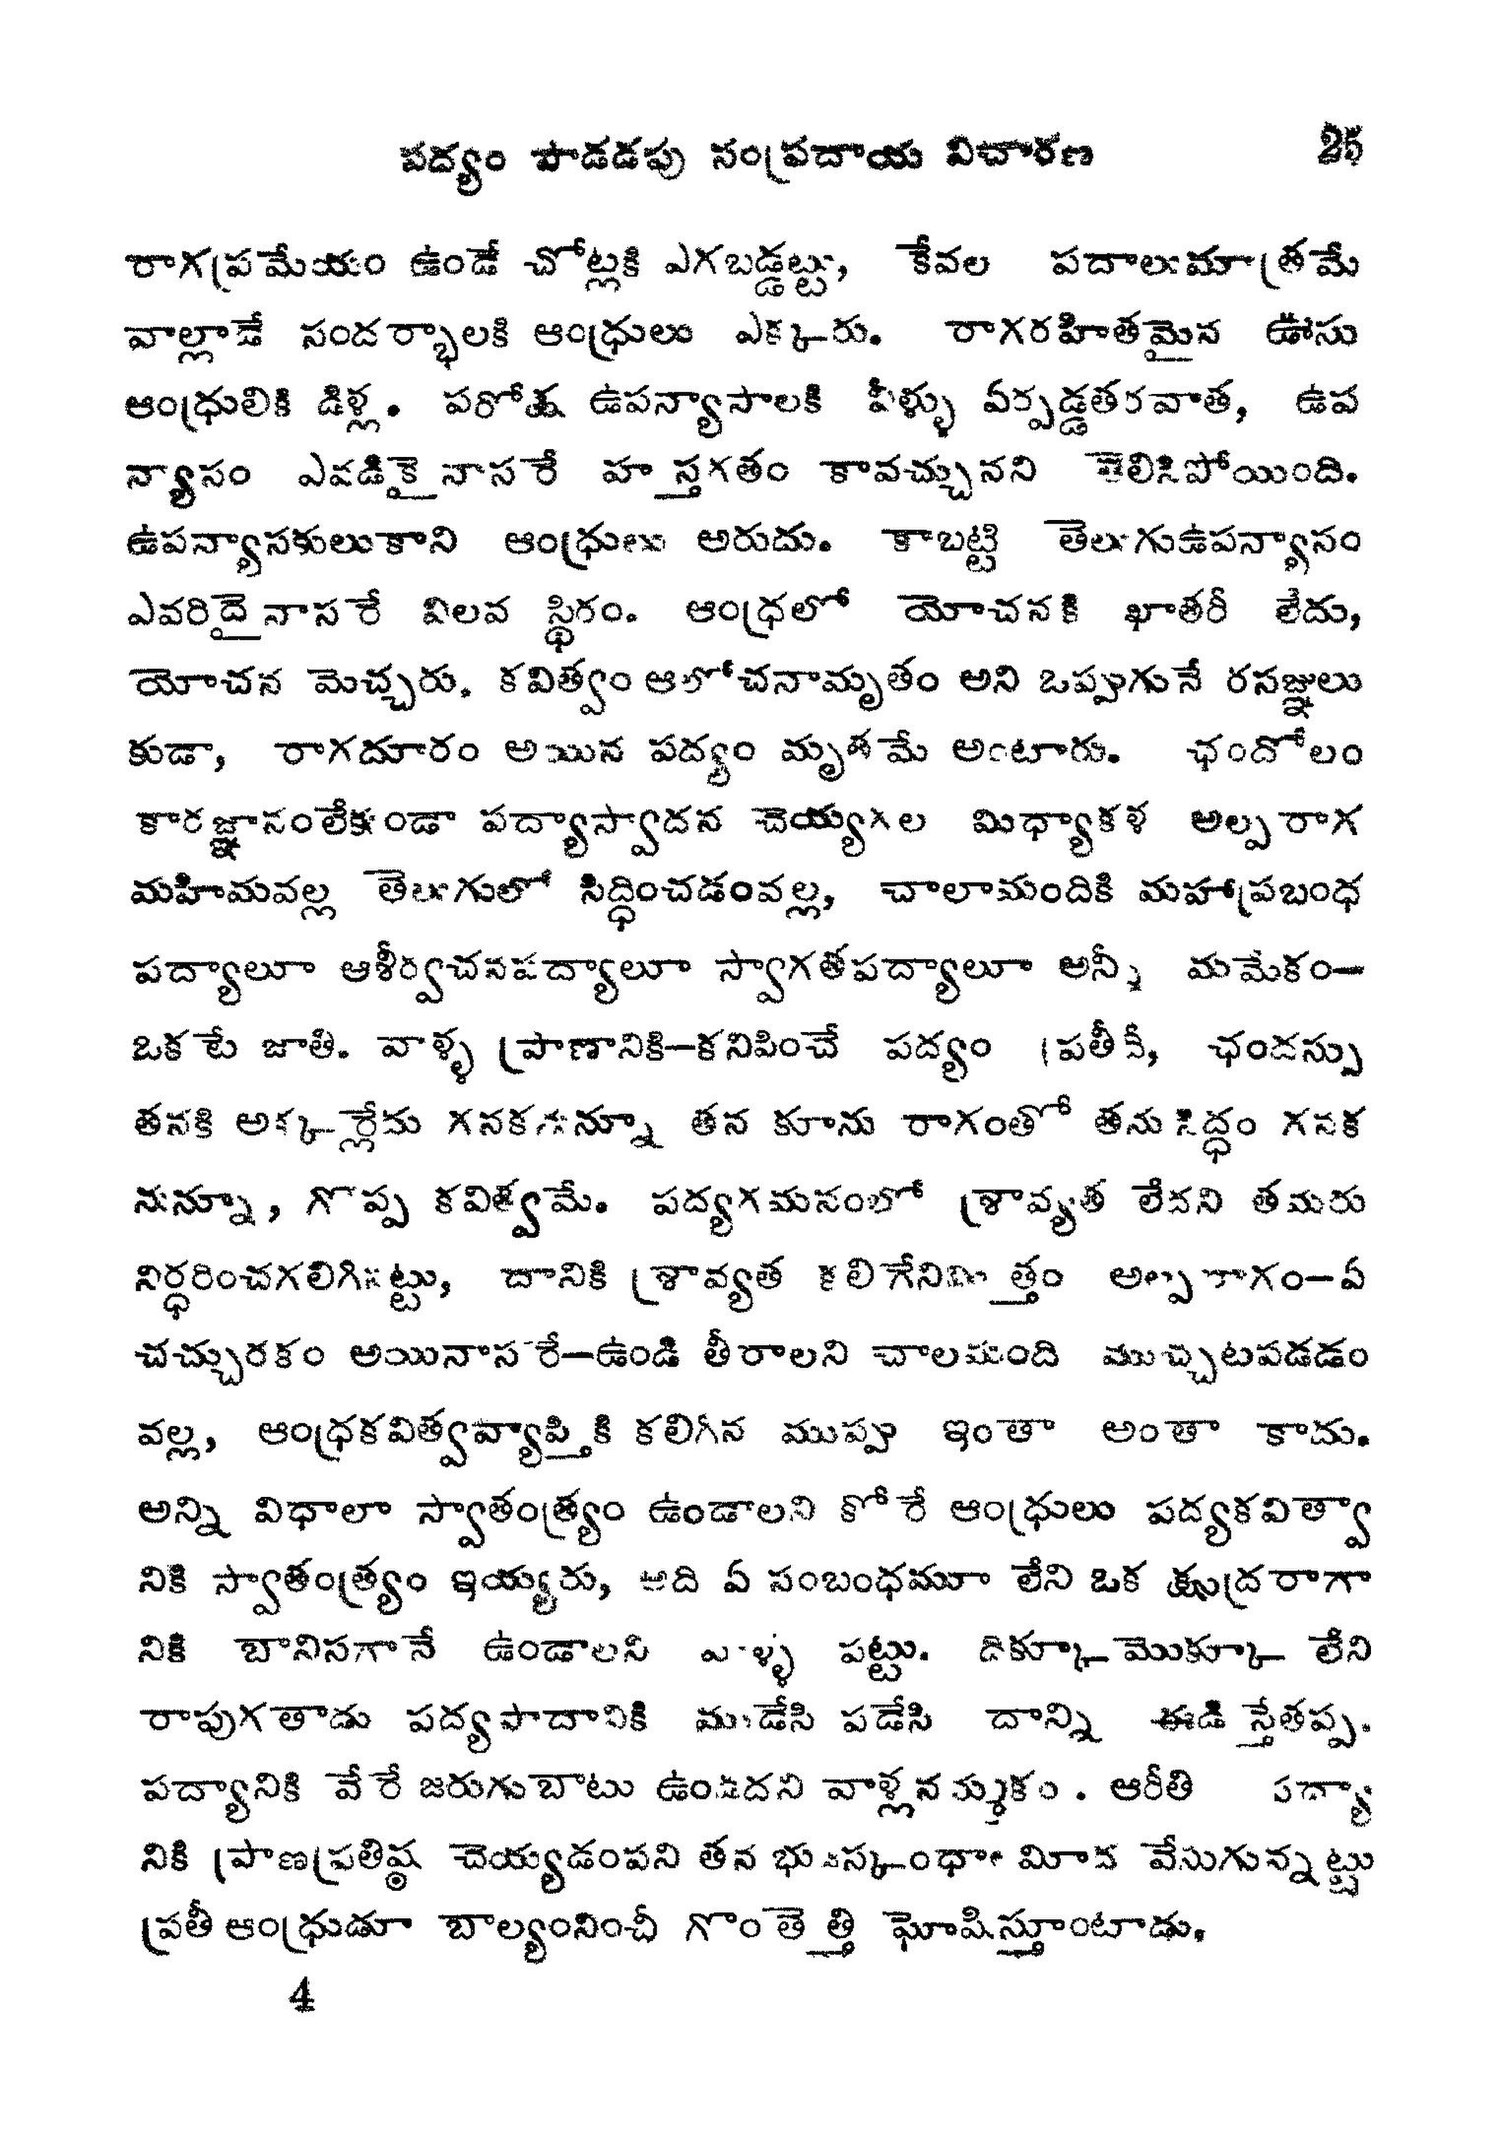రాగప్రమేయం ఉండే చోట్లకి ఎగబడ్డట్టు, కేవల పదాలుమాత్రమే
వాల్లాడే సందర్భాలకి ఆంధ్రులు ఎక్కరు. రాగరహితమైన ఊసు
ఆంధ్రులికి డిళ్ల. పరోక్ష ఉపన్యాసాలకి వీళ్ళు ఏర్పడ్డతరవాత, ఉప
న్యాసం ఎవడికైనాసరే హస్తగతం కావచ్చునని తెలిసిపోయింది.
ఉపన్యాసకులుకాని ఆంధ్రులు అరుదు. కాబట్టి తెలుగుఉపన్యాసం
ఎవరిదైనాసరే విలవ స్థిరం. ఆంధ్రలో యోచనకి ఖాతరీ లేదు,
యోచన మెచ్చరు, కవిత్వం ఆలోచనామృతం అని ఒప్పుగునే రసజ్ఞులు
కుడా, రాగదూరం అయిన పద్యం మృతమే అంటారు. ఛందోలం
కారజ్ఞానంలేకుండా పద్యాస్వాదన చెయ్యగల మిధ్యాకళ అల్పరాగ
మహిమవల్ల తెలుగులో సిద్ధించడంవల్ల, చాలామందికి మహాప్రబంధ
పద్యాలూ ఆశీర్వచనపద్యాలూ స్వాగతపద్యాలూ అన్నీ మమేకం-
ఒకటే జాతి. వాళ్ళ ప్రాణానికి-కనిపించే పద్యం ప్రతీదీ, ఛందస్సు
తనకి అక్కర్లేదు గనకతన్నూ తన కూను రాగంతో తనుసిద్ధం గనక
నున్నూ, గొప్ప కవిత్వమే, పద్యగమనంలో శ్రావ్యత లేదని తమరు
నిర్ధరించగలిగినట్టు, దానికి శ్రావ్యత కలిగేనిమిత్తం అల్పరాగం-ఏ
చచ్చురకం అయినాసరే-ఉండి తీరాలని చాలమంది ముచ్చటపడడం
వల్ల, ఆంధ్రకవిత్వవ్యాప్తికి కలిగిన ముప్పు ఇంతా అంతా కాదు.
అన్ని విధాలా స్వాతంత్ర్యం ఉండాలని కోరే ఆంధ్రులు పద్యకవిత్వా
నికి స్వాతంత్ర్యం ఇయ్యరు, అది ఏ సంబంధమూ లేని ఒక క్షుద్రరాగా
నికి బానిసగానే ఉండాలని వాళ్ళ పట్టు. దిక్కూ మొక్కూ లేని
రాపుగతాడు పద్యపాదానికి మండేసి పడేసి దాన్ని ఈడిస్తేతప్ప,
పద్యానికి వేరే జరుగుబాటు ఉండదని వాళ్ల నమ్మకం. ఆరీతి పద్యా
నికి ప్రాణప్రతిష్ఠ చెయ్యడంపని తన భుజస్కంధాల మీద వేసుగున్నట్టు
ప్రతీ ఆంధ్రుడూ బాల్యంనించీ గొంతెత్తి ఘోషిస్తూంటాడు,